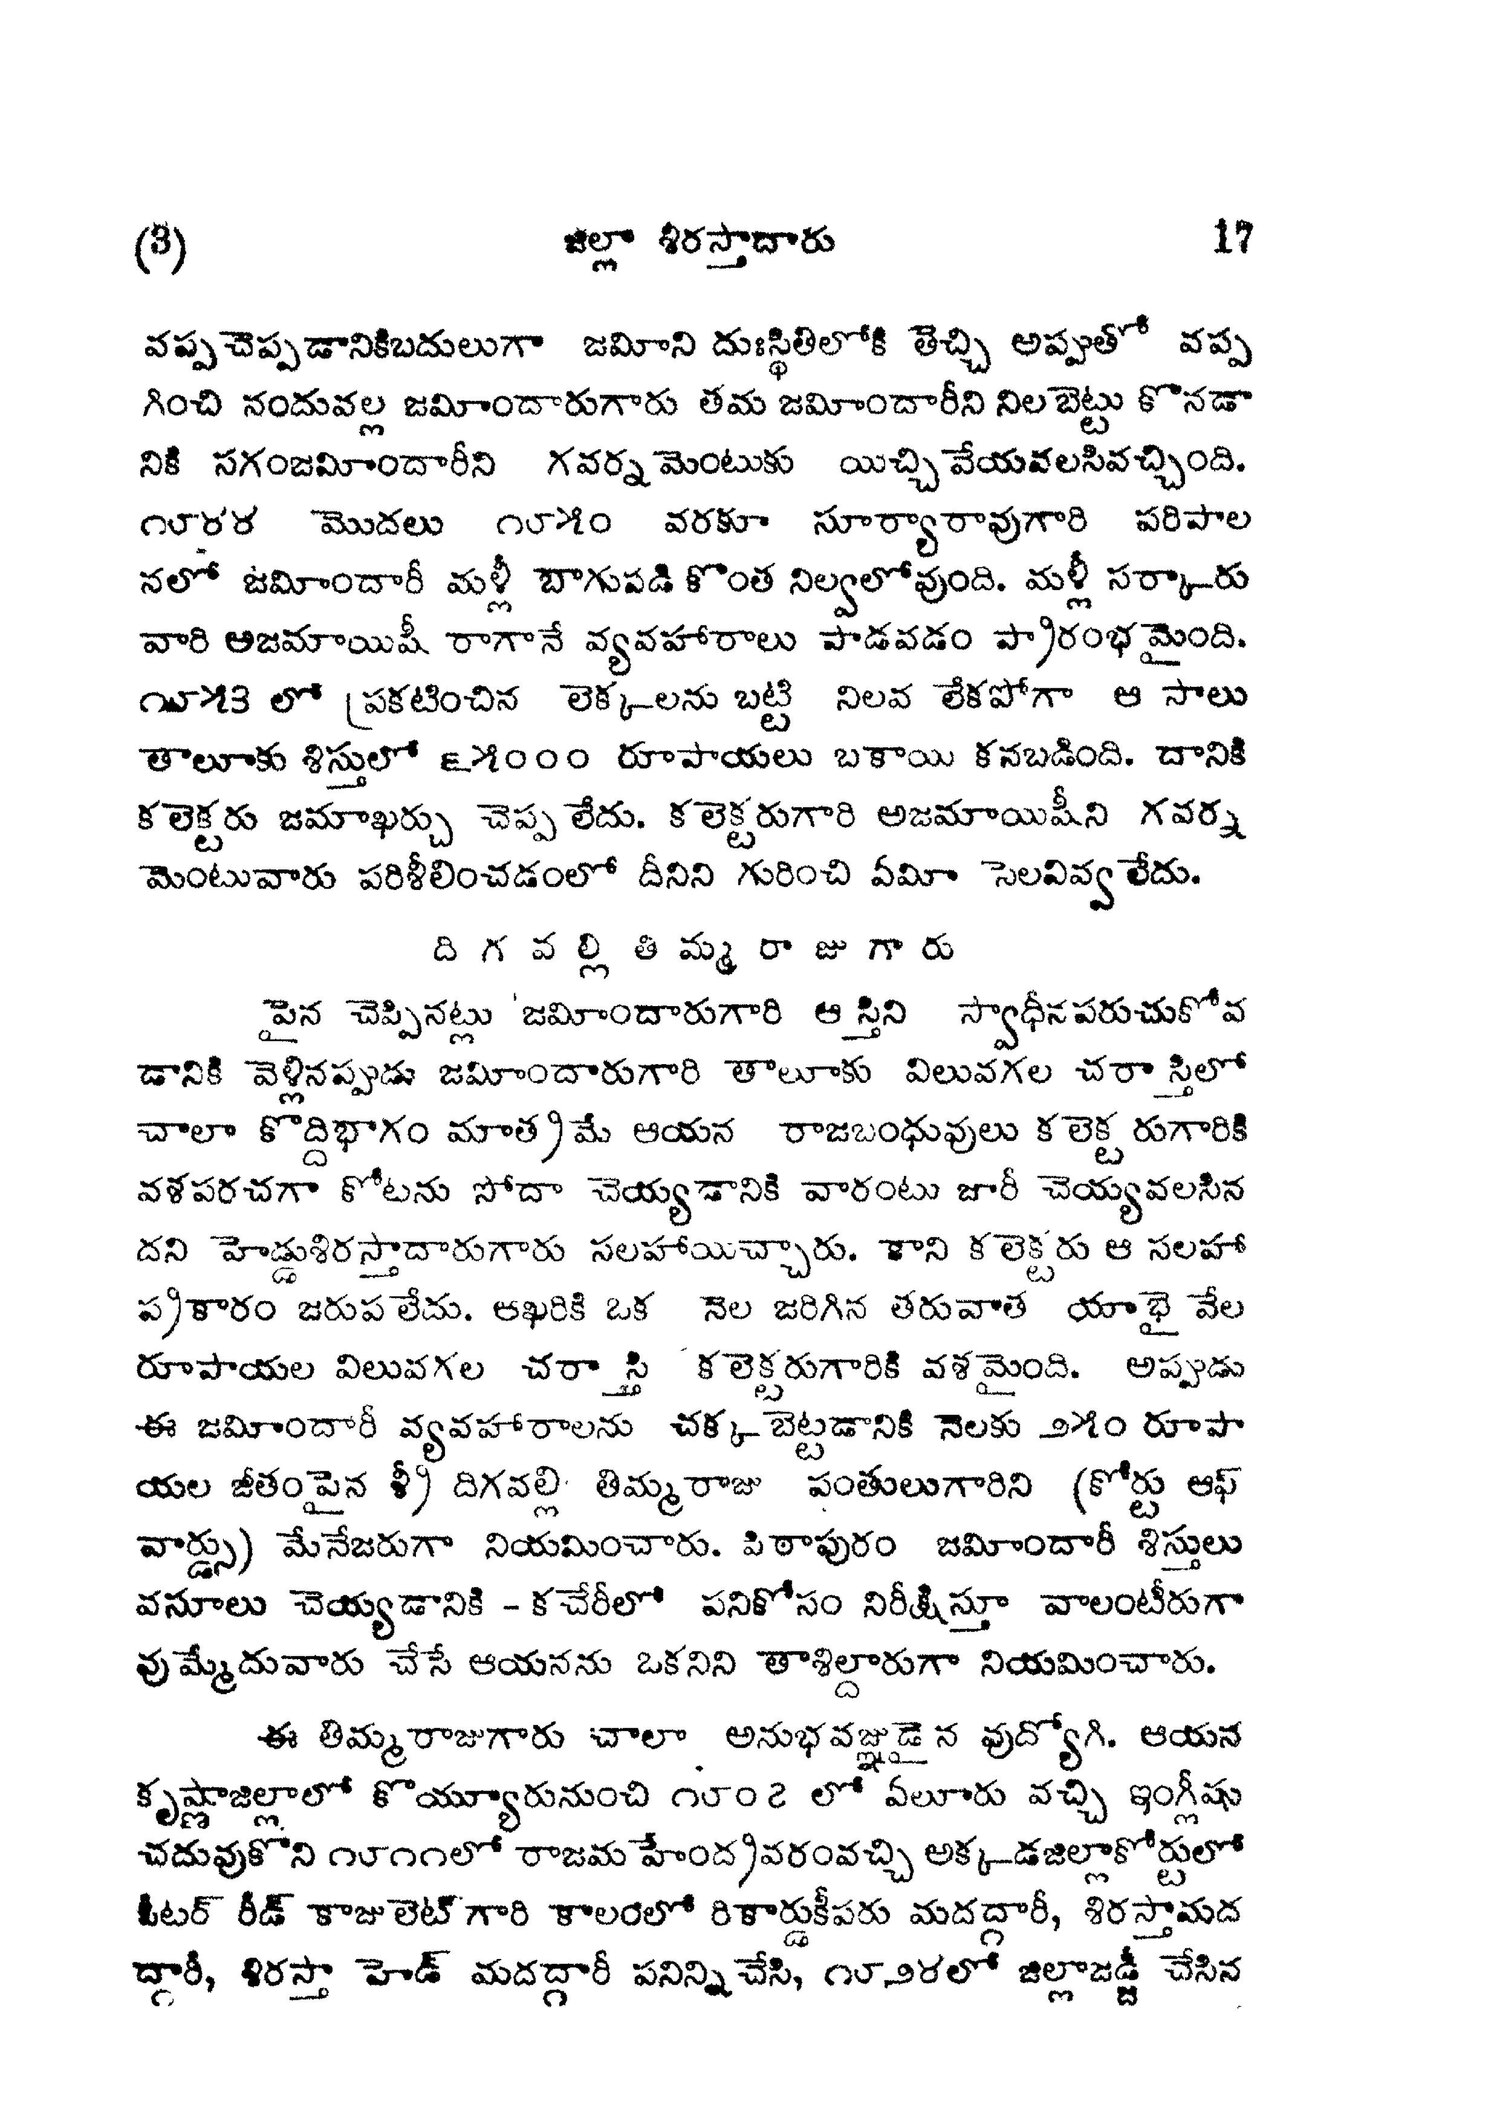వప్పచెప్పడానికి బదులుగా జమీని దు:స్థితిలోకి తెచ్చి అప్పుతో వప్పగించి నందువల్ల జమీందారుగారు తమ జమీందారీని నిలబెట్టు కొనడానికి సగం జమీందారీని గవర్నమెంటుకు యిచ్చివేయవలసివచ్చింది. 1844 మొదలు 1850 వరకూ సూర్యారావుగారి పరిపాలనలో జమీందారీ మళ్లీ బాగుపడి కొంత నిల్వలోవుంది. మళ్లీ సర్కారువారి అజమాయిషీ రాగానే వ్యవహారాలు పాడవడం ప్రారంభమైంది. 1853 లో ప్రకటించిన లెక్కలనుబట్తి నిలవ లేకపోగా ఆ సాలు తాలూకు శిస్తులో 65000 రూపాయలు బకాయి కనబడింది. దానికి కలెక్టరు జమాఖర్చు చెప్పలేదు. కలెక్టరుగారి ఆజమాయిషీని గవర్నమెంటువారు పరిశీలించడంలో దీనిని గురించి ఏమీ సెలివివ్వలేదు.

పైన చెప్పినట్లు జమీందారుగారి ఆస్థిని స్వాధీనపరుచుకొనడానికి వెళ్లినప్పుడు జమీందారుగారి తాలూకు విలువగల చరాస్తిలో చాలా కొద్దిభాగం మాత్రమే ఆయన రాజబంధువులు కలెక్టరుగారిని వశపరచగా కోటను సోదా చెయ్యడానికి వారంటు జారీ చెయ్యవలసినదని హెడ్డుశిరస్దారుగారు సలహా యిచ్చారు. కాని కలెక్టరు ఆ సలహా ప్రకారం జరుపలేదు. ఆఖరికి ఒక నెల జరిగిన తరువాత యాభై వేల రూపాయ్హల విలువగల చరాస్తి కలెక్టరుగారికి వశమైంది. అప్పుడు ఈ జమీందారీ వ్యవహరాలను చక్కబెట్టడానికి నెలకు 250 రూపాయల జీతంపైన శ్రీ దిగవల్లి తిమ్మరాజు పంతులుగారిని (కోర్టు ఆఫ్ వార్డ్సు) మేనేజరుగా నియమించారు. పిఠాపురం జమీందారీ శిస్తులు వసూలు చెయ్యడానికి - కచేరీలో పనికోసం నిరీక్షిస్తూ వాలంటీరుగా వుమ్మేదువారు చేసే ఆయనను ఒకరిని తాశిల్దారుగా నియమించారు.

ఈ తిమ్మరాజుగారు చాలా అనుభవజ్ఞడైన వుద్యోగి. ఆయన కృష్ణాజిల్లాలో కొయ్యూరునుంచి1807 లో 
ఏలూరు వచ్చి ఇంగ్లీషు చదువుకొని రాజమహేంద్రవరంవచ్చి అక్కడజిల్లాకోర్టులో పీటర్ రీడ్ కాజులెట్ గారి కాలంలో రికార్డుకీపరు మదద్గారీ, శిరస్తామదద్గారీ, శిరస్తా హెడ్ మదద్గారీ పనిన్నిచేసి, 1824 లో జిల్లాజడ్జీ చేసిన